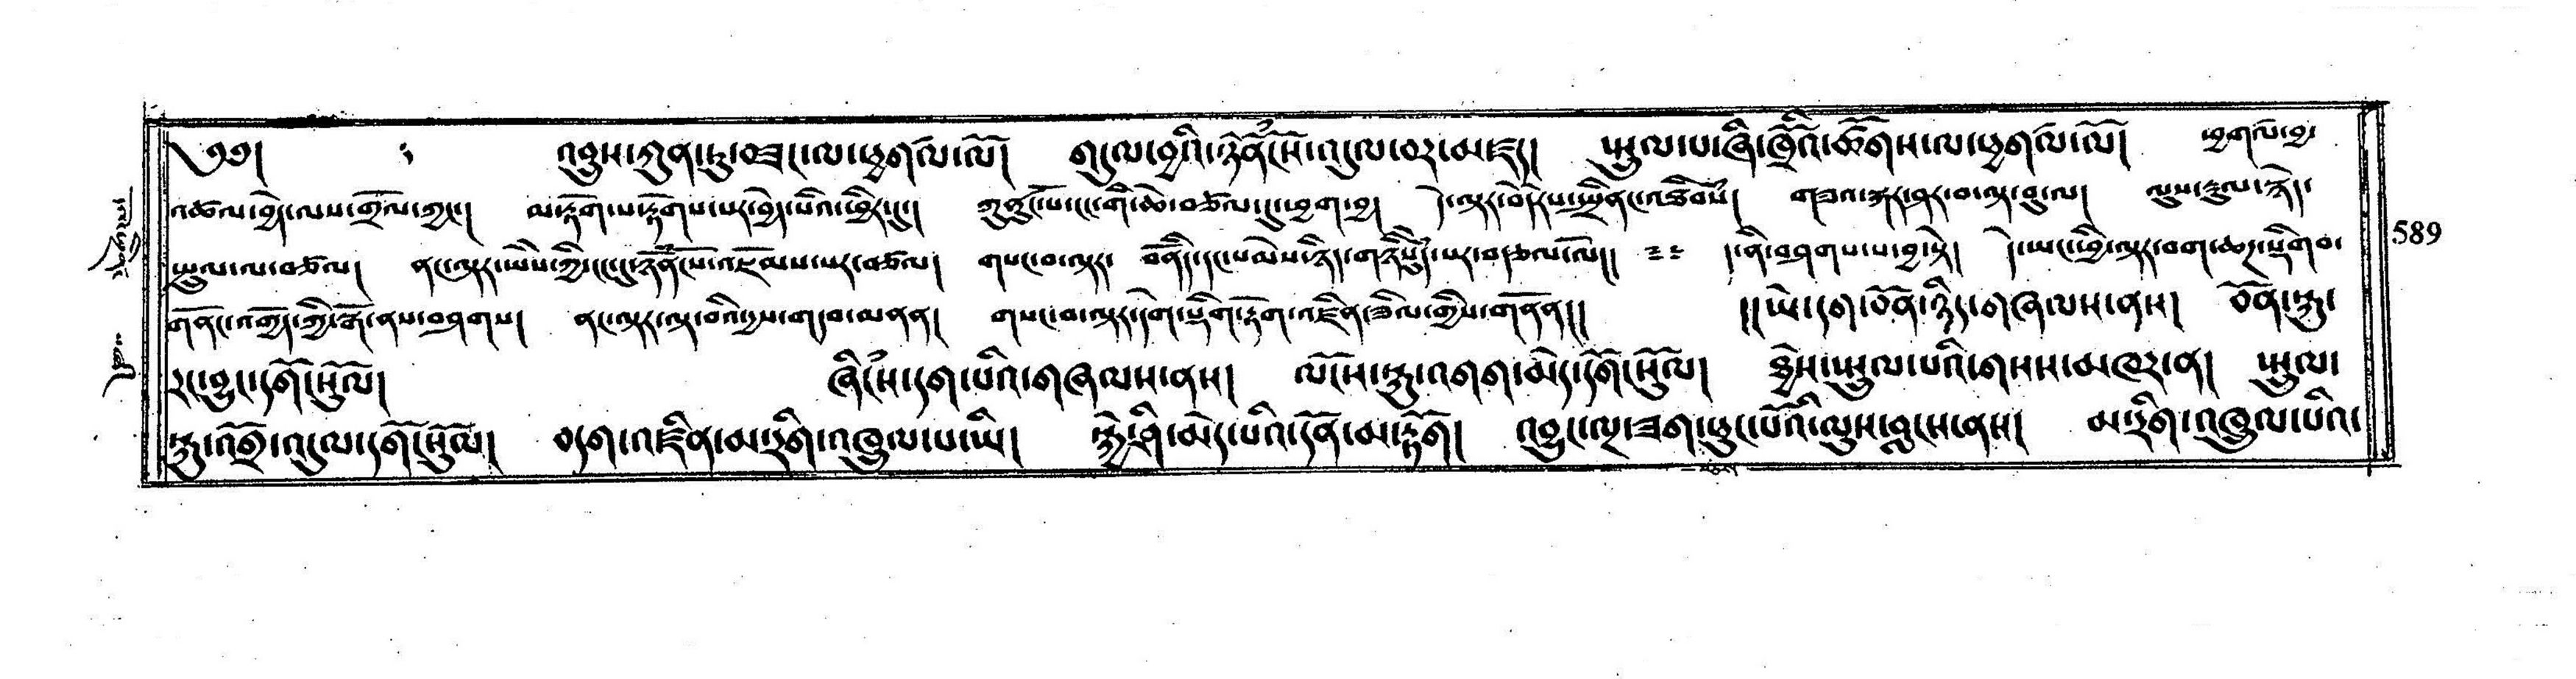འབྲས་བུ་ཀུན་ཏུ་བཟང་ལ་ཕྱག་འཚལ་ལོ། གདུལ་བྱའི་ཉོན་མོངས་འདུལ་བར་མཛད། སྤྲུལ་པ་ཞི་ཁྲོའི་ཚོགས་ལ་ཕྱག་འཚལ་ལོ། ཕྱག་འཚལ་བྱ་
འཚལ་བྱེད་ལས་གྲོལ་ཀྱང་། མ་རྟོག་པ་རྟོགས་པར་བྱེད་པའི་ཕྱིར་དུ། ཀུན་ཏུ་བཟང་པོ་ངང་གི་ཆེ་བཙལ་དུ་ཕྱག་བྱ། དེ་ལྟར་བདེར་གཤེགས་སྤྲིན་འཐིབས་སམ། གཟའ་སྐར་ཤར་བ་ལྟ་བུ་ལ། ལུས་རྡུལ་སྙེད་
སྤྲུལ་ལ་བཙལ། ནང་ལྟར་ཡེ་ཤེས་ཀྱི་ངང་དུ་ཉོན་མོངས་འཇོམས་པར་བཙལ། གསང་བ་ལྟར། བོན་ཉིད་དང་སེམས་ཉིད་གཉིས་སུ་མེད་པར་བརྩལ་ལོ།། ༈ ད་ནི་བཤགས་པ་བྱ་སྟེ། དེ་ཡང་ཕྱི་ལྟར་བག་ཆགས་སྡིག་སྒྲིབ་
གནོང་འགྱོད་ཀྱི་སྒོ་ནས་བཤགས། ནང་ལྟར་ལྟ་བའི་རྒྱས་གདབ་མནན། གསང་བ་ལྟར་དགེ་སྡིག་རྟོག་འཛིན་ཟིལ་གྱིས་གནོན།། །།ཡེ་དག་བོན་ཉིད་གཞལ་ཡས་ནས། བོན་སྐུ་
རང་བྱུང་དགོངས་སུ་གསོལ། ཞིང་ཁམས་དག་པའི་གཞལ་ཡས་ནས། ལོངས་སྐུ་འགག་མེད་དགོངས་སུ་གསོལ། ཐུགས་རྗེ་སྤྲུལ་པའི་གསས་མཁར་ན། སྤྲུལ་
སྐུ་འགྲོ་འདུལ་དགོངས་སུ་གསོལ། བདག་འཛིན་མ་རིག་འཁྲུལ་པ་ཡི། སྐྱེ་ཤི་མེད་པའི་དོན་མ་རྟོག འབྱུང་ལྔ་ཟག་ཕུང་པོའི་ལུས་བླངས་ནས། མ་རིག་འཁྲུལ་པའི་